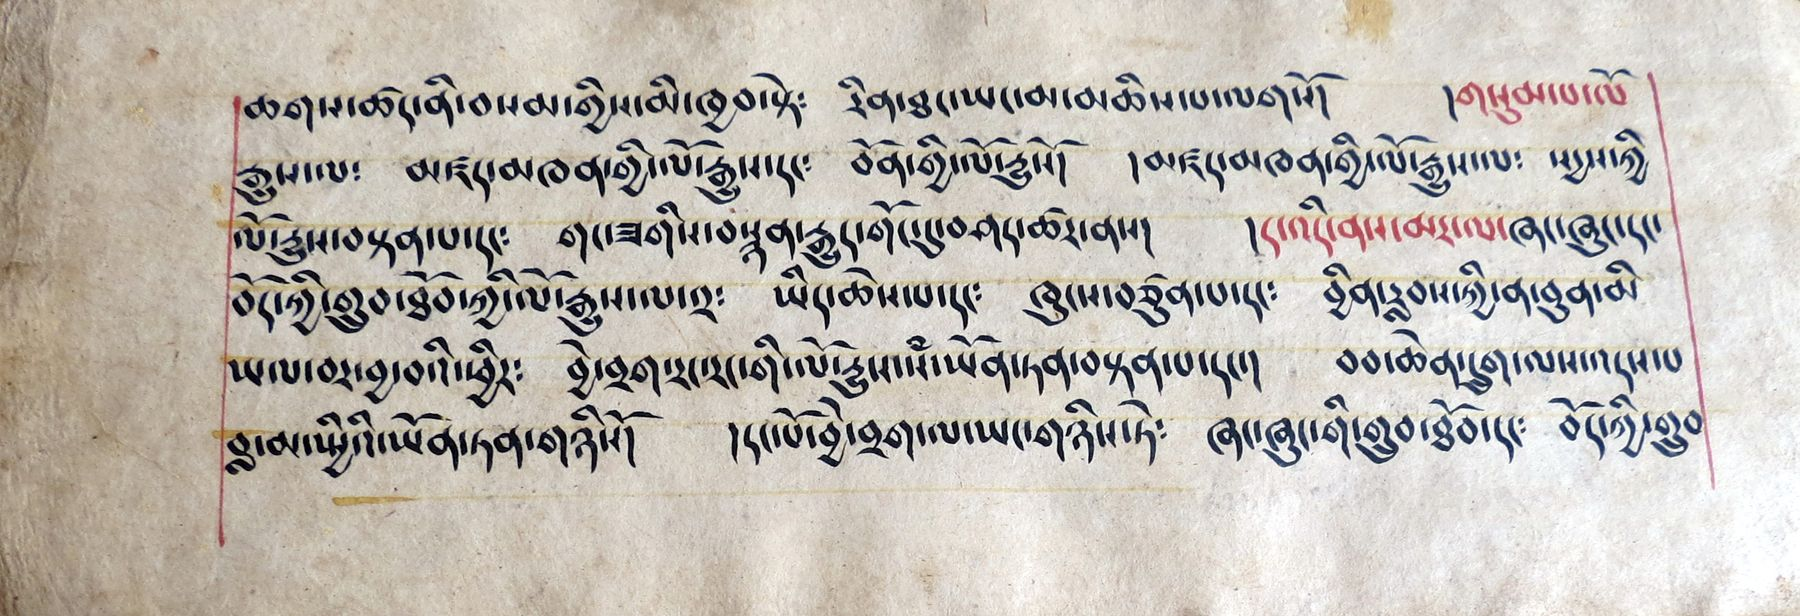ཆགས་ཚད་ནི་བསམ་གྱིས་མི་ཁྱབ་སྟེ། རིན་ཐང་ཡང་མ་མཆིས་པ་ལགས་སོ། །གསུམ་པ་ལོ་
རྒྱུས་ལ། མཛད་མཁན་གྱི་ལོ་རྒྱུས་དང་། བོན་གྱི་ལོ་རྒྱུས་སོ། མཛད་མཁན་གྱི་ལོ་རྒྱུས་ལ། སངས་རྒྱས་ཀྱི་
ལོ་རྒྱུས་བསྟན་པ་དང་། གང་ཟག་གིས་སྙན་རྒྱུད་གོང་དུ་བཤད་ཚར་ནས། ད་འདི་ནས་མར་ལ་ཞང་ཞུང་དང་
བོད་ཀྱི་གྲུབ་ཐོབ་ཀྱི་ལོ་རྒྱུས་ལ་གཉིས། ཡིད་ཆེས་པ་དང་། ཁུངས་བཙུན་པ་དང་། བྱིན་རླབས་ཀྱི་ན་བུན་མི་
ཡལ་བར་བྱ་བའི་ཕྱིར། བྱེ་བྲག་རང་རང་གི་ལོ་རྒྱུས་སམ་ཡོན་ཏན་བསྟན་པ་དང་། བབ་ཆེན་དྲུག་ལས་འདས་པ་
བླ་མ་སྤྱི་ཡི་ཡོན་ཏན་གཉིས་སོ། དང་པོ་བྱེ་བྲག་ལ་ཡང་གཉིས་ཏེ། ཞང་ཞུང་གི་གྲུབ་ཐོབ་དང་། བོད་ཀྱི་གྲུབ་